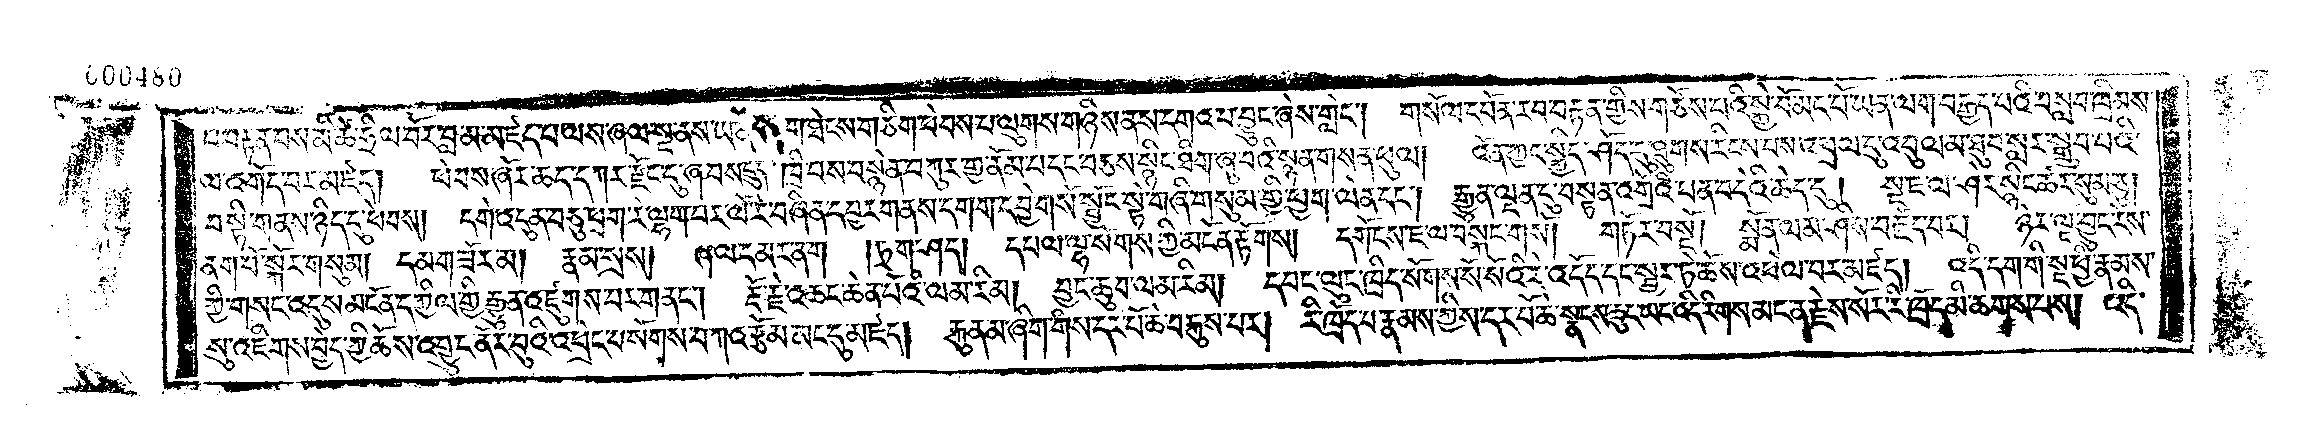པ་བརྟན་བས་མི་ཚེ་ཧྲིལ་བོར་བླ་མ་མཛད་པ་ལས་ཞལ་སྔ་ནས་ཡོན་བདག་ཐེངས་གཅིག་ཕེབས་པ་ལུགས་གཉིས་ནས་དགའ་པ་བྱུང་ཞེས་གླེང་། གསོལ་དཔོན་རབ་བརྟན་གྱིས་གཙོས་པའི་སྐྱེ་བོ་མང་པོ་ཡན་ལག་བརྒྱད་པའི་བསླབ་ཁྲིམས་
ལ་འགོད་བར་མཛད། ཕེབས་ཞོར་ཆད་དཀར་རྫོང་དུ་ཞབས་དྲུད་ཁྲི་བས་བསྙེན་བཀུར་གྱ་ནོམ་པ་དང་བཅས་སྙིང་ཐིག་ཞུ་བའི་སྙན་གསན་ཕུལ། འོན་ཀྱང་སྐྱིད་ཤོད་དུ་ཐུགས་རིངས་བས་འཕྲལ་དུ་འབུལ་མ་ཐུབ་སླར་སྒྲུབ་པའི་
བསྟི་གནས་ཉིད་དུ་ཕེབས། དགེ་འདུན་བཅུ་ཕྲག་རེ་ལྷག་པར་ལོ་རེ་བཞིན་དབྱར་གནས་དགག་དབྱེ་གསོ་སྦྱོང་སྟེ་གཞི་གསུམ་གྱི་ཕྱག་ལེན་དང་། རྒྱུན་ལྡན་དུ་བསྟན་འགྲོའི་ཕན་བདེའི་ཆེད་དུ། སྔ་ཇ་ལ་ཤེར་སྙིང་ཚར་སུམ་ཅུ།
ནག་པོ་སྐོར་གསུམ། དམག་ཟོར་མ། རྣམ་སྲས། ཞལ་དམར་ནག །ཏྲག་ཤད། དཔལ་ལྷ་སོགས་ཀྱི་མངོན་རྟོགས། དགོངས་ཇ་ལ་བསྐང་གསོ། གཏོར་བསྔོ། སྨོན་ལམ་ཤིས་བརྗོད་པར། ཉེར་ལྔ་བྱུང་རེས་
ཀྱི་གསང་འདུས་མངོན་དཀྱིལ་གྱི་རྒྱུན་འཛུགས་པར་གནང་། རྡོ་རྗེ་འཆང་ཆེན་པོའི་ལམ་རིམ། བྱང་ཆུབ་ལམ་རིམ། དབང་ལུང་ཁྲིད་སོགས་སོ་སོའི་རེ་འདོད་དང་སྦྱར་ཏེ་ཆོས་འཕེལ་བར་མཛད། འདི་དག་གི་སྔ་ཕྱི་རྣམས་
སུ་འཇིགས་བྱེད་ཀྱི་ཆོས་འབྱུང་ནོར་བུའི་འཕྲེང་པ་སོགས་བཀའ་རྩོམ་མང་དུ་མཛད། རྐུན་མ་ཞིག་གིས་དར་པོ་ཆེ་བརྐུས་པར། རི་ཁྲོད་པ་རྣམས་ཀྱིས་དར་པོ་ཆེ་སྣངས་ཆུང་ཡང་འདི་རིགས་མང་ན་རྗེས་སོར་རི་ཁྲོད་མི་ཆགས་བས། འདི་